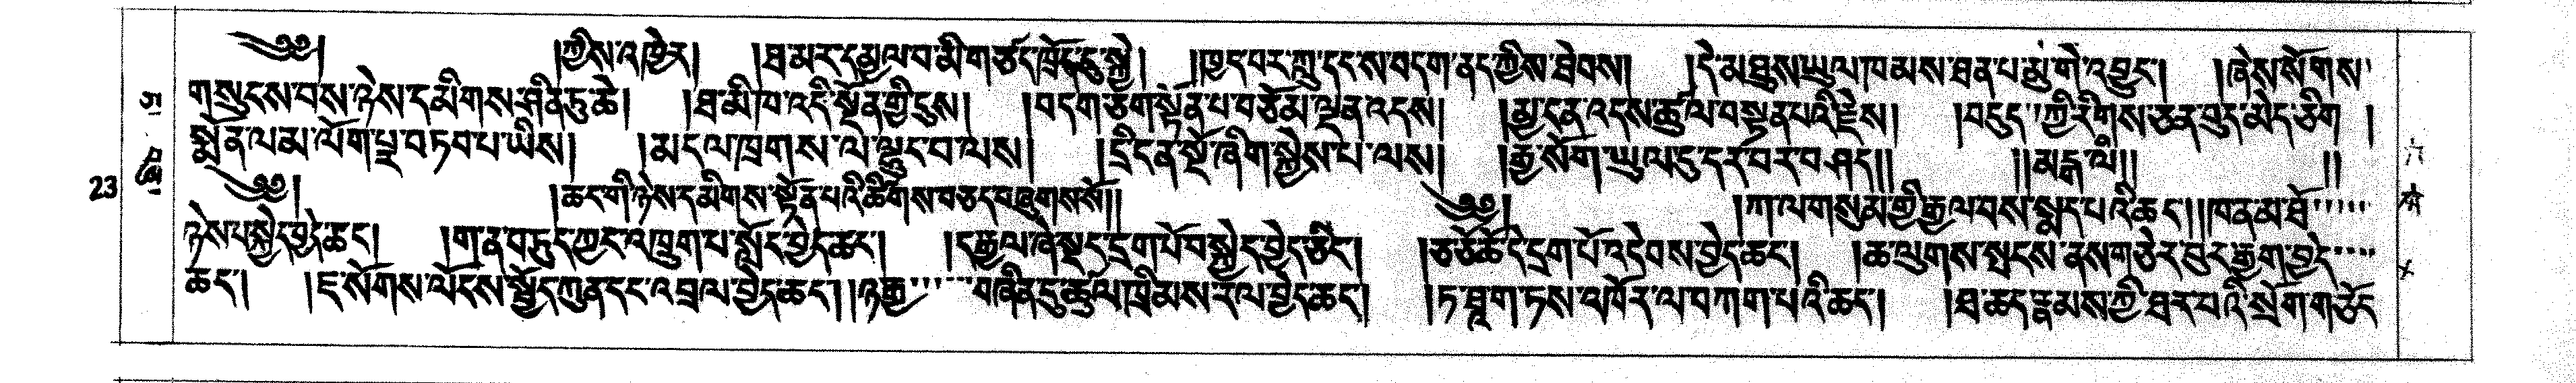༄༅། །ཀྱིས་འཁྱེར། །ཐ་མར་དམྱལ་བ་མི་གཙང་ཁྲོད་དུ་སྐྱེ། །ཁྱད་པར་ཀླུ་དང་ས་བདག་ནད་ཀྱིས་ཐེབས། །དེ་མཐུས་ཡུལ་ཁམས་ཐན་པ་མུ་གེ་འབྱུང་། །ཞེས་སོགས་
གསུངས་བས་ཉེས་དམིགས་ཤིན་ཏུ་ཆེ། །ཐ་མི་ཁ་འདི་སྔོན་གྱི་དུས། །བདག་ཅག་སྟོན་པ་བཅོམ་ལྡན་འདས། །མྱ་ངན་འདས་ཚུལ་བསྟན་པའི་རྗེས། །བདུད་ཀྱི་རིགས་ཅན་བུད་མེད་ཅིག །
སྨོན་ལམ་ལོག་པར་བཏབ་པ་ཡིས། །མངལ་ཁྲགས་ལ་ལྷུང་བ་ལས། །དྲི་ངན་སྔོ་ཞིག་སྐྱེས་པ་ལས། །རྒྱ་སོག་ཡུལ་དུ་དར་བར་བཤད།། །།མངྒ་ལཾ།། །།
༄༅། །ཆང་གི་ཉེས་དམིགས་སྟོན་པའི་ཚིགས་བཅད་བཞུགས་སོ།། ༄༅། །ཀ་ལ་གསུམ་གྱི་རྒྱལ་བས་སྨད་པའི་ཆང་། །ཁ་ན་མ་ཐོ་
ཉེས་པ་སྐྱེད་བྱེད་ཆང་། །ག་ན་བཏུད་ཀྱང་འཁྲུག་པ་སློང་བྱེད་ཆང་། །ང་རྒྱལ་ཞེ་སྡང་དྲག་པོ་བསྐྱེད་བྱེད་ཅིང་། །ཅ་ཅོ་ཆོ་དེ་དྲག་པོ་འདེབས་བྱེད་ཆང་། །ཆ་ལུགས་སྤངས་ནས་གཅེར་བུར་རྒྱག་བྱེད་
ཆད། །ཇ་སོགས་ལོངས་སྤྱོད་ཀུན་དང་འབྲལ་བྱེད་ཆང་། །ཉ་རྒྱ་བཞིན་དུ་ཚུལ་ཁྲིམས་རོལ་བྱེད་ཆང་། །ཏ་ཐཱ་ག་ཏས་འཁོར་ལ་བཀག་པའི་ཆད། །ཐ་ཆད་རྣམས་ཀྱི་ཐར་པའི་སྲོག་གཅོད་